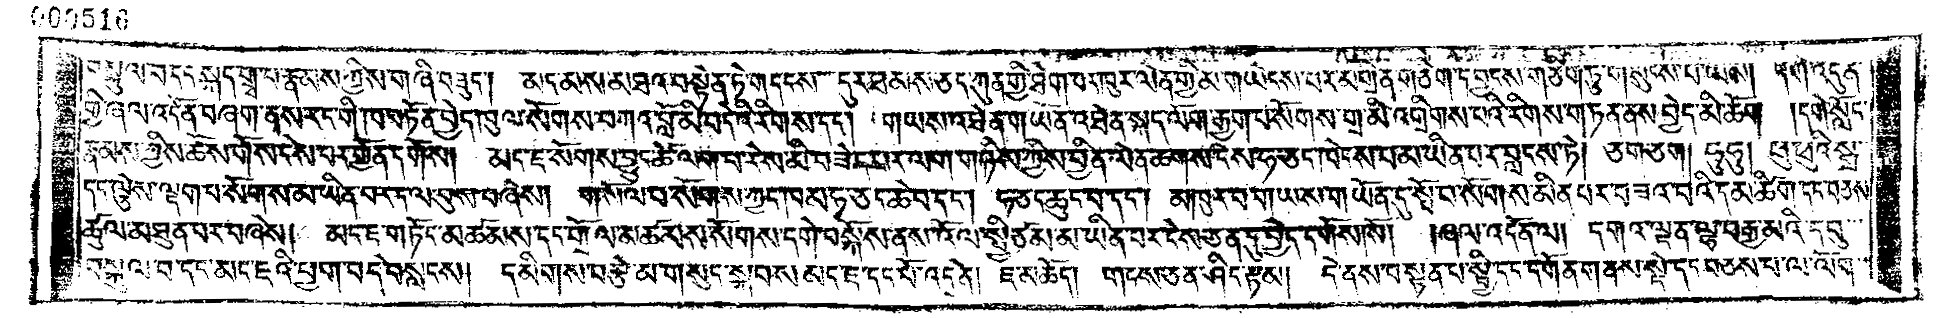བསྐུལ་བ་དང་སྐད་གྲྭ་པ་རྣམས་ཀྱིས་གཞི་བཟུང་། མང་མས་མཐའ་བསྟེན་ཏེ་གདངས་དུར་ཐམས་ཅད་ཀུན་གྱི་ཐེག་པར་ཁུར་ལེན་གྱི་མ་གཡེངས་པར་མགྲིན་གཅིག་དབྱངས་གཅིག་ཏུ་གསུངས་པ་ལས། དགེ་འདུན་
གྱི་ཞལ་འདོན་བཞག་ནས་རང་གི་ཁ་བཏོན་བྱེད་ཁུལ་སོགས་བཀའ་བློ་མི་བདེའི་རིགས་དང་། གཡས་འཐེན་གཡོན་འཐེན་སྐད་ལོག་རྒྱག་པ་སོགས་གྲ་མི་འགྲིགས་པའི་རིགས་གཏན་ནས་བྱེད་མི་ཆོག །དགེ་སློང་
རྣམས་ཀྱིས་ཆོས་གོས་ངེས་པར་གྱོན་དགོས། མང་ཇ་སོགས་བྱུང་ཚེ་ལག་པ་རེས་མི་བཟེད་པར་ལག་གཉིས་ཀྱིས་བྱིན་ལེན་ཆགས་ངེས་ཧ་ཅང་ཁེངས་པ་མ་ཡིན་པར་བླངས་ཏེ། ཅག་ཅག །ཧུ་ཧུ། ཕུ་ཕུའི་སྒྲ་
དང་ལྕེས་ལྡག་པ་སོགས་མ་ཡིན་པར་དལ་བུས་བཞེས། གསོལ་བ་སོགས་ཀྱང་ཁམ་ཧ་ཅང་ཆེ་བ་དང་། ཧ་ཅང་ཆུང་བ་དང་། མཁུར་བ་གཡས་གཡོན་དུ་སྤོ་བ་སོགས་མིན་པར་བཟའ་བའི་དམ་ཚིག་དང་བཅས་
ཚུལ་མཐུན་པར་བཞེས། མང་ཇ་གཏོང་མཚམས་དང་གྲོ་ལ་མཚམས་སོགས་དགེ་བསྐོས་ནས་འོལ་སྤྱི་ཙམ་མ་ཡིན་པར་ངེས་ཅན་དུ་བྱེད་དགོས་སོ། །ཞལ་འདོན་ལ། དགའ་ལྡན་ལྷ་བརྒྱ་མའི་དབུ་
བསྐུལ་བ་དང་མང་ཇའི་ཕྱག་བདེ་བསླངས། དམིགས་བརྩེ་མ་གསུང་སྐབས་མང་ཇ་དང་པོ་འདྲེན། ཇ་མཆོད། གངས་ཅན་ཤིང་རྟམ། དེ་ནས་བསྟན་པ་སྤྱི་དང་དགོན་གནས་སྡེ་དང་བཅས་པ་ལ་ལོག་